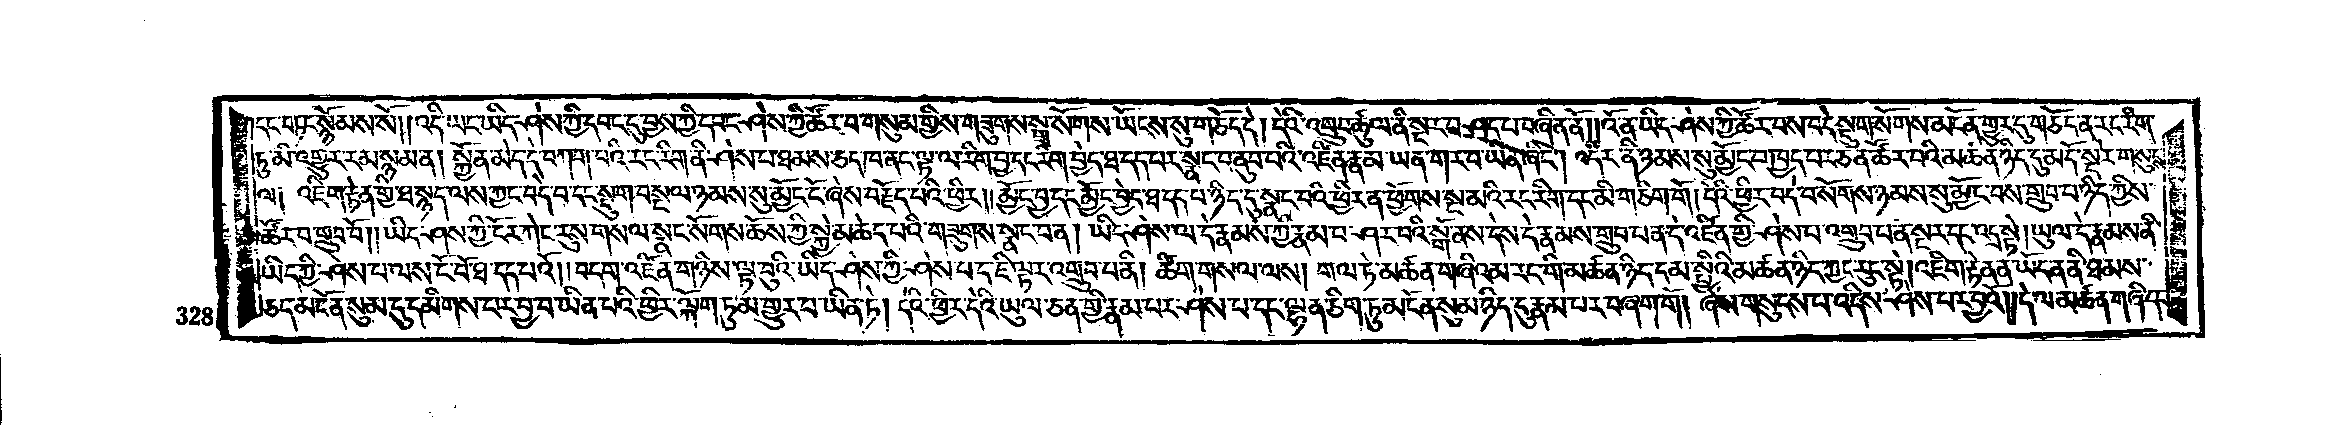དང་བཏང་སྙོམས་སོ། །འདི་ཡང་ཡིད་ཤེས་ཀྱི་དབང་དུ་བྱས་ཀྱི་དབང་ཤེས་ཀྱི་ཚོར་བ་གསུམ་གྱིས་གཟུགས་སྒྲ་སོགས་ཡོངས་སུ་གཅོད་དེ། དེའི་འགྲུབ་ཚུལ་ནི་སྔར་བཤད་པ་བཞིན་ནོ། །འོ་ན་ཡིད་ཤེས་ཀྱི་ཚོར་བས་བདེ་སྡུག་སོགས་མངོན་གྱུར་དུ་གཅོད་ན་རང་རིག་
ཏུ་མི་འགྱུར་རམ་སྙམ་ན། སྐྱོན་མེད་དེ་བཀག་པའི་རང་རིག་ནི་ཤེས་པ་ཐམས་ཅད་ཁ་ནང་ལྟ་ལ་རིག་བྱ་དང་རིག་བྱེད་ཐ་དད་པར་སྣང་བ་ནུབ་པའི་འཛིན་རྣམ་ཡན་གར་བ་ཡིན་ཞིང་། འདིར་ནི་ཉམས་སུ་མྱོང་བ་ཁྱད་པར་ཅན་ཚོར་བའི་མཚན་ཉིད་དུ་མདོ་སྡེར་གསུང་
ལ། འཇིག་རྟེན་གྱི་ཐ་སྙད་ལས་ཀྱང་བདེ་བ་དང་སྡུག་བསྔལ་ཉམས་སུ་མྱོང་ངོ་ཞེས་བརྗོད་པའི་ཕྱིར། མྱོང་བྱ་དང་མྱོང་བྱེད་ཐ་དད་པ་ཉིད་དུ་སྣང་བའི་ཕྱིར་ན་ཕྱོགས་སྔ་མའི་རང་རིག་དང་མི་གཅིག་གོ །དེའི་ཕྱིར་བདེ་བ་སོགས་ཉམས་སུ་མྱོང་བས་གྲུབ་པ་ཉིད་ཀྱིས་
ཚོར་བ་གྲུབ་བོ། །ཡིད་ཤེས་ཀྱི་ངོར་ཀེང་རུས་གསལ་སྣང་སོགས་ཆོས་ཀྱི་སྐྱེ་མཆེད་པའི་གཟུགས་སྣང་བ་ན། ཡིད་ཤེས་ལ་དེ་རྣམས་ཀྱི་རྣམ་པ་ཤར་བའི་སྒོ་ནས་དེས་དེ་རྣམས་གྲུབ་པ་ན་དེ་འཛིན་གྱི་ཤེས་པ་འགྲུབ་པ་ནི་སྔར་དང་འདྲ་སྟེ། ཡུལ་དེ་རྣམས་ནི་
ཡིད་ཀྱི་ཤེས་པ་ལས་ངོ་བོ་ཐ་དད་པའོ། །བདག་འཛིན་གཉིས་ལྟ་བུའི་ཡིད་ཤེས་ཀྱི་ཤེས་པ་དེ་ཇི་ལྟར་འགྲུབ་པ་ནི། ཚིག་གསལ་ལས། གལ་ཏེ་མཚན་གཞིའམ་རང་གི་མཚན་ཉིད་དམ་སྤྱིའི་མཚན་ཉིད་ཀྱང་རུང་སྟེ། འཇིག་རྟེན་ན་ཡོད་ན་ནི་ཐམས་
ཅད་མངོན་སུམ་དུ་དམིགས་པར་བྱ་བ་ཡིན་པའི་ཕྱིར་ལྐོག་ཏུ་མ་གྱུར་བ་ཡིན་ཏེ། དེའི་ཕྱིར་དེའི་ཡུལ་ཅན་གྱི་རྣམ་པར་ཤེས་པ་དང་ལྷན་ཅིག་ཏུ་མངོན་སུམ་ཉིད་དུ་རྣམ་པར་བཞག་གོ ། ཞེས་གསུངས་པ་འདིས་ཤེས་པར་བྱའོ། །དེ་ལ་མཚན་གཞི་དང་